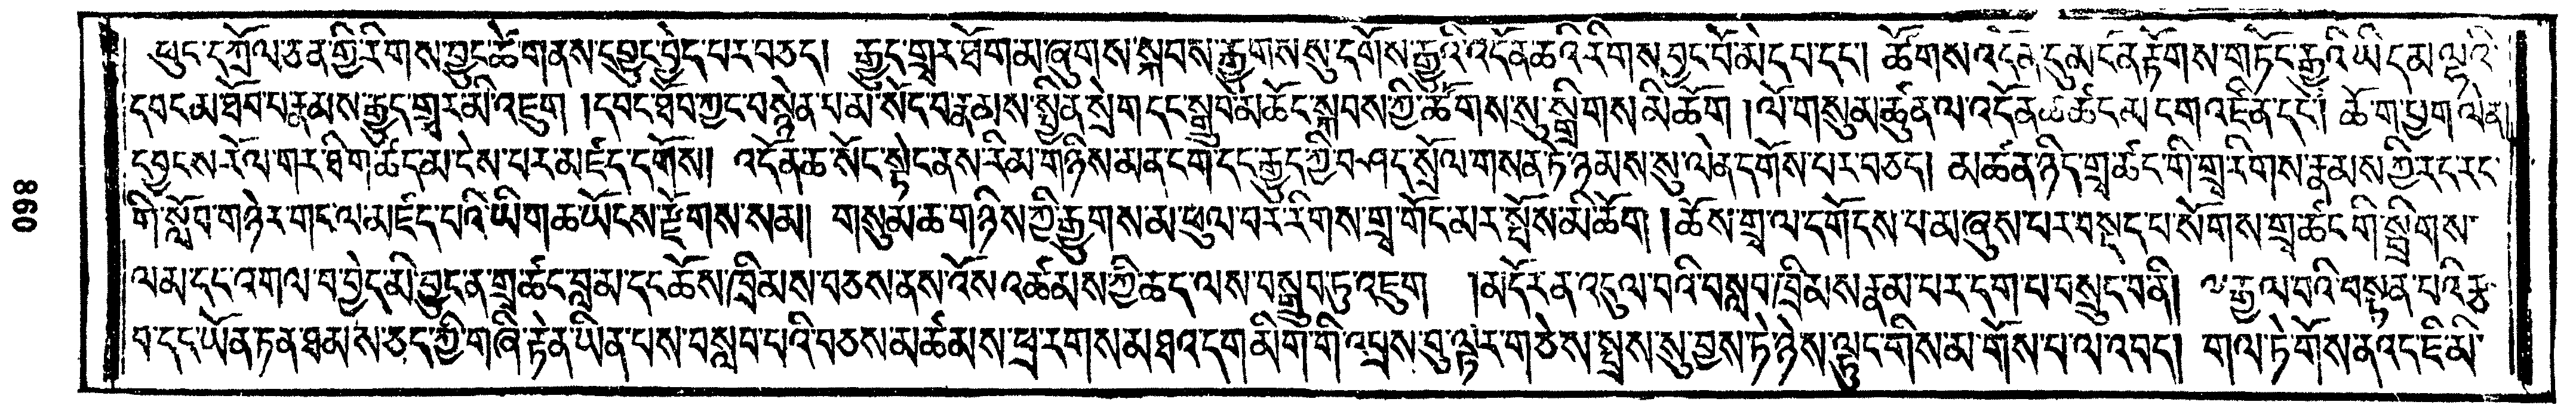ཕུང་དཀྲོལ་ཅན་གྱི་རིགས་བྱུང་ཚེ་གནས་དབྱུང་བྱེད་པར་བཅད། རྒྱུད་གྲྭར་ཐོག་མ་ཞུགས་སྐབས་རྒྱུགས་སུ་དགོས་རྒྱུའི་འདོན་ཆེའི་རིགས་བྱང་བོ་མེད་པ་དང་། ཚོགས་འདོན་དུ་མངོན་རྟོགས་གཏོང་རྒྱུའི་ཡི་དམ་ལྷའི་
དབང་མ་ཐོབ་པ་རྣམས་རྒྱུད་གྲྭར་མི་འཇུག །དབང་ཐོབ་ཀྱང་བསྙེན་པ་མ་སོད་བ་རྣམས་སྤྱིན་སྲེག་དང་སྒྲུབ་མཆོད་སྐབས་ཀྱི་ཚོགས་སུ་སྒྲིགས་མི་ཆོག །ལོ་གསུམ་ཚུན་ལ་འདོན་ཆ་ཚང་མ་ངག་འཛིན་དང་། ཆོ་ག་ཕྱག་ལེན།
དབྱངས་རོལ་གར་ཐིག་ཚད་མ་ངེས་པར་མཛད་དགོས། འདོན་ཆ་སོང་སྟེང་ནས་རིམ་གཉིས་མན་ངག་དང་རྒྱུད་ཀྱི་བཤད་སྲོལ་གསན་ཏེ་ཉམས་སུ་ལེན་དགོས་པར་བཅད། མཚན་ཉིད་གྲྭ་ཚང་གི་གྲྭ་རིགས་རྣམས་ཀྱི་རང་རང་
གི་སློབ་གཉེར་གང་ལ་མཛད་པའི་ཡིག་ཆ་ཡོངས་རྫོགས་སམ། གསུམ་ཆ་གཉིས་ཀྱི་རྒྱུགས་མ་ཕུལ་བར་རིགས་གྲྭ་གོང་མར་སྤོས་མི་ཆོག །ཆོས་གྲྭ་ལ་དགོངས་པ་མ་ཞུས་པར་བསྡད་པ་སོགས་གྲྭ་ཚང་གི་སྦྲིགས་
ལམ་དང་འགལ་བ་བྱེད་མི་བྱུང་ན་གྲྭ་ཚང་བླ་མ་དང་ཆོས་ཁྲིམས་བཅས་ནས་འོས་འཚམས་ཀྱི་ཆད་ལས་བསྒྲུབ་ཏུ་འཇུག །མདོར་ན་འདུལ་བའི་བསླབ་ཁྲིམས་རྣམ་པར་དག་པ་བསྲུང་བ་ནི། ༧་རྒྱལ་བའི་བསྟན་པའི་རྩ་
བ་དང་ཡོན་ཏན་ཐམས་ཅད་ཀྱི་གཞི་རྟེན་ཡིན་པས་བསླབ་པའི་བཅས་མཚམས་ཕྲ་རགས་མཐའ་དག་མིག་གི་འབྲས་བུ་ལྟར་གཅེས་སྤྲས་སུ་བྱས་ཏེ་ཉེས་ལྟུང་གིས་མ་གོས་པ་ལ་འབད། གལ་ཏེ་གོས་ནའང་ཇི་མི་